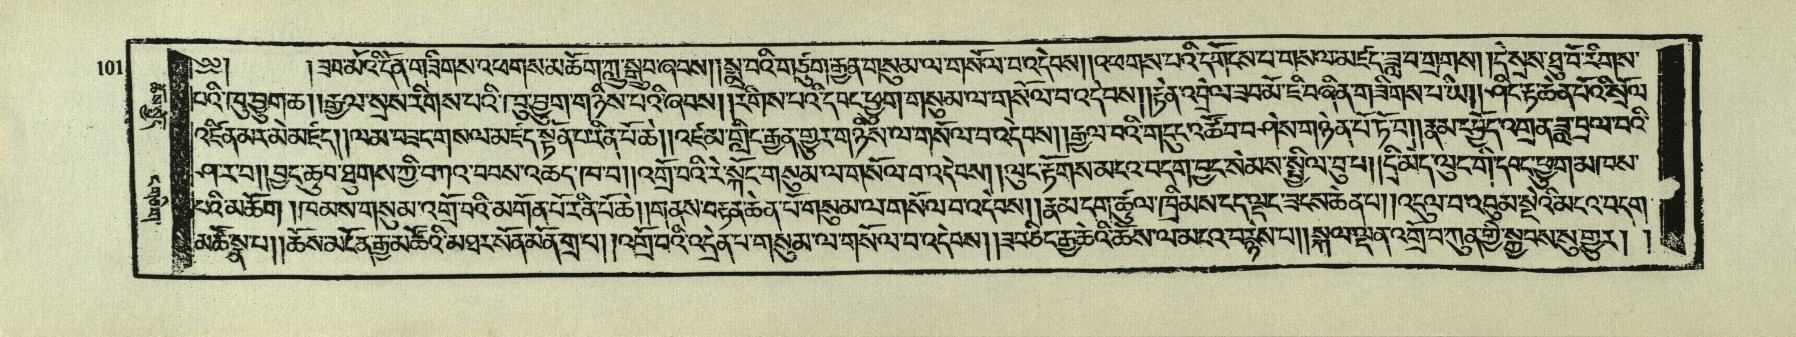༄༅། །ཟབ་མོའི་དོན་གཟིགས་འཕགས་མཆོག་ཀླུ་སྒྲུབ་ཞབས། །སྨྲ་བའི་གཙུག་རྒྱན་གསུམ་ལ་གསོལ་བ་འདེབས། །འཕགས་པའི་དགོངས་པ་གསལ་མཛད་ཟླ་བ་གྲགས། །དེ་སྲས་ཐུ་བོ་རིགས་
པའི་ཁུ་བྱུག་ཆ། །རྒྱལ་སྲས་རིགས་པའི་ཁུ་བྱུག་གཉིས་པའི་ཞབས། །རིགས་པའི་དབང་ཕྱུག་གསུམ་ལ་གསོལ་བ་འདེབས། །རྟེན་འབྲེལ་ཟབ་མོ་ཇི་བཞིན་གཟིགས་པ་ཡི། །ཤིང་རྟ་ཆེན་པོའི་སྲོལ་
འཛིན་མར་མེ་མཛད། །ལམ་བཟང་གསལ་མཛད་སྟོན་པ་རིན་པོ་ཆེ། །འཛམ་གླིང་རྒྱན་གྱུར་གཉིས་ལ་གསོལ་བ་འདེབས། །རྒྱལ་བའི་གདུང་འཚོབ་བཤེས་གཉེན་པོ་ཏོ་བ། །རྣམ་དཔྱོད་འགྲན་ཟླ་བྲལ་བའི་
ཤ་ར་བ། །བྱང་ཆུབ་ཐུགས་ཀྱི་བཀའ་བབས་འཆད་ཁ་བ། །འགྲོ་བའི་རེ་སྐོང་གསུམ་ལ་གསོལ་བ་འདེབས། །ལུང་རྟོགས་མངའ་བདག་བྱང་སེམས་སྤྱིལ་བུ་པ། །དྲི་མེད་ལུང་གི་དབང་ཕྱུག་མཁས་
པའི་མཆོག །ཁམས་གསུམ་འགྲོ་བའི་མགོན་པོ་རིན་པོ་ཆེ། །གནས་བརྟན་ཆེན་པོ་གསུམ་ལ་གསོལ་བ་འདེབས། །རྣམ་དག་ཚུལ་ཁྲིམས་ངད་ལྡང་ཟངས་ཆེན་པ། །འདུལ་བ་འབུམ་སྡེའི་མངའ་བདག་
མཚོ་སྣ་པ། །ཆོས་མངོན་རྒྱ་མཚོའི་མཐར་སོན་མོན་གྲ་པ། །འགྲོ་བའི་འདྲེན་པ་གསུམ་ལ་གསོལ་བ་འདེབས། །ཟབ་ཅིང་རྒྱ་ཆེའི་ཆོས་ལ་མངའ་བརྙེས་པ། །སྐལ་ལྡན་འགྲོ་བ་ཀུན་གྱི་སྐྱབས་སུ་གྱུར། །